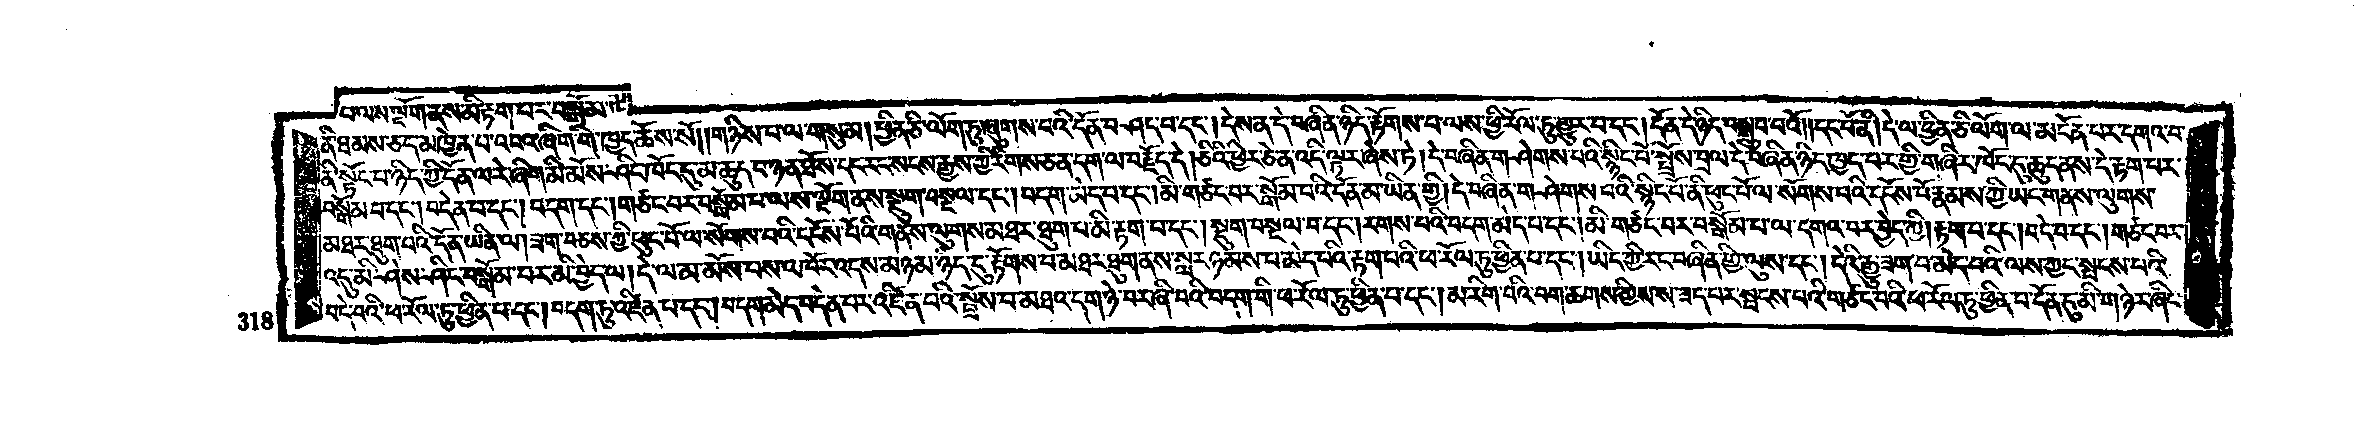ནི་ཐམས་ཅད་མཁྱེན་པ་་ལས་ལྡོག་ནས་མི་རྟག་པར་བསྒོམ་?་པ་འབའ་ཞིག་གི་ཁྱད་ཆོས་སོ། །གཉིས་པ་ལ་གསུམ། ཕྱིན་ཅི་ལོག་ཏུ་ཞུགས་པའི་དོན་བཤད་པ་དང་། དེས་ན་དེ་བཞིན་ཉིད་རྟོགས་པ་ལས་ཕྱི་རོལ་ཏུ་གྱུར་པ་དང་། དོན་དེ་ཉིད་བསྒྲུབ་པའོ། །དང་པོ་ནི། དེ་ལ་ཕྱིན་ཅི་ལོག་ལ་མངོན་པར་དགའ་བ་
ནི་སྟོང་པ་ཉིད་ཀྱི་དོན་ལ་རེ་ཞིག་མི་མོས་ཤིང་ཁོང་དུ་མ་ཆུད་པ་ཉན་ཐོས་དང་རང་སངས་རྒྱས་ཀྱི་རིགས་ཅན་དག་ལ་བརྗོད་དེ། ཅིའི་ཕྱིར་ཅེ་ན་འདི་ལྟར་ཞེས་ཏེ། དེ་བཞིན་གཤེགས་པའི་སྙིང་པོ་སྤྲོས་བྲལ་དེ་བཞིན་ཉིད་ཁྱད་པར་གྱི་གཞིར་ཁོང་དུ་ཆུད་ནས་དེ་རྟག་པར་
བསྒོམ་པ་དང་། བདེན་པ་དང་། བདག་དང་། གཙང་བར་བསྒོམ་པ་ལས་ལྡོག་ནས་སྡུག་བསྔལ་དང་། བདག་མེད་པ་དང་། མི་གཙང་བར་སྒོམ་པའི་དོན་མ་ཡིན་གྱི་།དེ་བཞིན་གཤེགས་པའི་སྙིང་པོ་ནི་ཕུང་པོ་ལ་སོགས་པའི་དངོས་པོ་རྣམས་ཀྱི་ཡང་གནས་ལུགས་
མཐར་ཐུག་པའི་དོན་ཡིན་ལ། ཟག་བཅས་ཀྱི་ཕུང་པོ་ལ་སོགས་པའི་དངོས་པོའི་གནས་ལུགས་མཐར་ཐུག་པ་མི་རྟག་པ་དང་། སྡུག་བསྔལ་བ་དང་། རགས་པའི་བདག་མེད་པ་དང་། མི་གཙང་བར་བསྒོམ་པ་ལ་དགའ་བར་བྱེད་ཀྱི། རྟག་པ་དང་། བདེ་བ་དང་། གཙང་བར་
འདུ་མི་ཤེས་ཤིང་བསྒོམ་པར་མི་བྱེད་ལ། དེ་ལ་མ་མོས་པས་འཁོར་འདས་མཉམ་ཉིད་དུ་རྟོགས་པ་མཐར་ཐུག་ནས་སླར་ཉམས་པ་མེད་པའི་རྟག་པའི་ཕ་རོལ་ཏུ་ཕྱིན་པ་དང་། ཡིད་ཀྱི་རང་བཞིན་གྱི་ལུས་དང་། དེའི་རྒྱུ་ཟག་པ་མེད་པའི་ལས་ཀྱང་སྤངས་པའི་
བདེ་བའི་ཕ་རོལ་ཏུ་ཕྱིན་པ་དང་། བདག་ཏུ་འཛིན་པ་དང་། བདག་མེད་བདེན་པར་འཛིན་པའི་སྤྲོས་པ་མཐའ་དག་ཉེ་བར་ཞི་བའི་བདག་གི་ཕ་རོལ་ཏུ་ཕྱིན་པ་དང་། མ་རིག་པའི་བག་ཆགས་ཀྱིས་ས་ཟད་པར་སྤངས་པའི་གཙང་བའི་ཕ་རོལ་ཏུ་ཕྱིན་པ་དོན་དུ་མི་གཉེར་ཞིང་